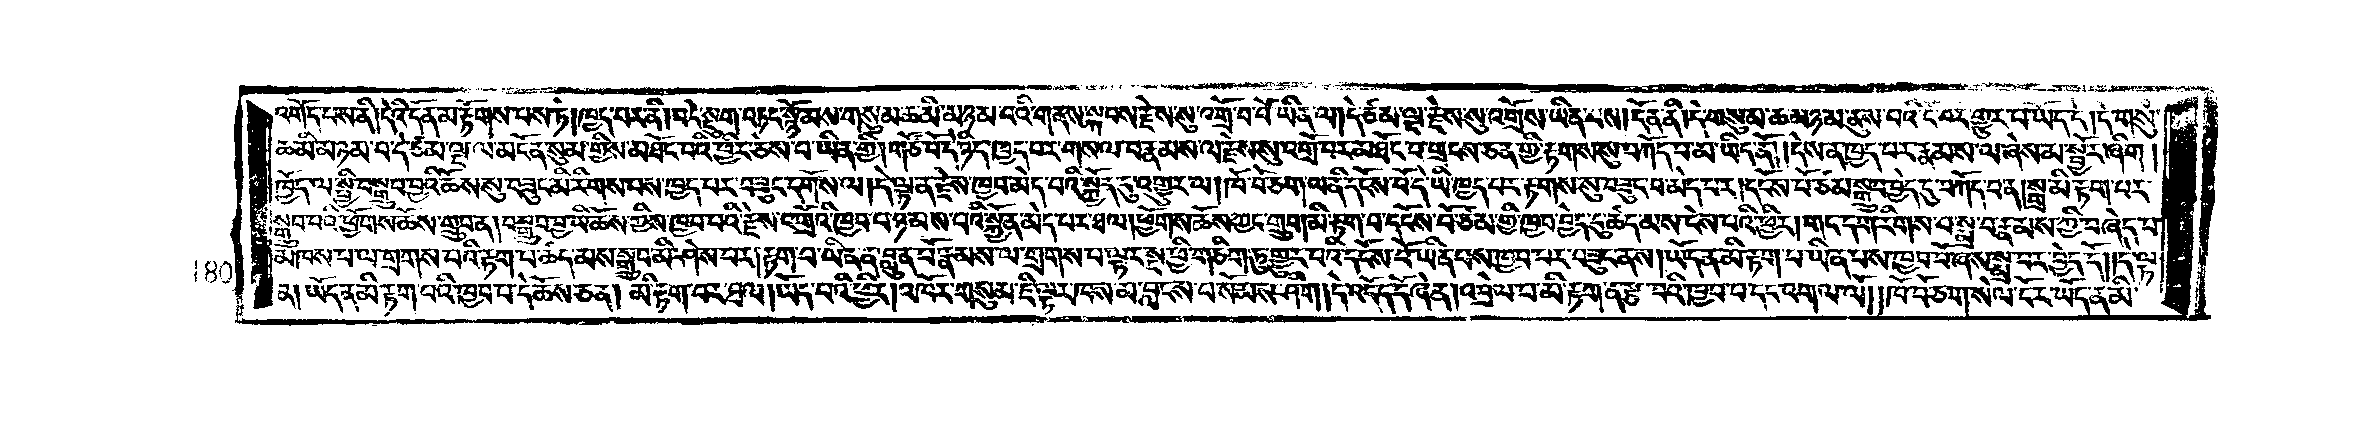འགོད་པས་ནི། དེའི་དོན་མ་རྟོགས་པས་ཏེ། ཁྱད་པར་ནི། བདེ་སྡུག་བཏང་སྙོམས་གསུམ་ཆ་མི་མཉམ་པའི་གནས་སྐབས་རྗེས་སུ་འགྲོ་བ་པོ་ཡིན་ལ། དེ་ཙམ་ལྔ་རྗེས་སུ་འགྲོས་ཡིན་པས། དོན་ནི། དེ་གསུམ་ཆ་མཉམ་ནུས་པའི་ངོ་བོར་གྱུར་པ་ཡོད་དེ། དེ་གསུམ་
ཆ་མི་མཉམ་པ་དེ་ཙམ་ལྔ་མ་མངོན་སུམ་གྱིས་མཐོང་བའ་ཕྱིར་ཅེས་པ་ཡིན་གྱི། གཙོ་བོ་དེ་ཉིད་ཁྱད་པར་གསལ་བ་རྣམས་ལ་རྗེས་སུ་འགྲོ་བར་མཐོང་བ་གྲངས་ཅན་གྱི་རྟགས་སུ་བཀོད་པ་མ་ཡིན་ནོ། །དེས་ན་ཁྱད་པར་རྣམས་ལ་ཞེས་མ་སྦྱོར་ཞིག །
ཁྱོད་ལ་སྤྱི་བསྒྲུབ་བྱའི་ཆོས་སུ་བཟུང་མི་རིགས་པས་ཁྱད་པར་བཟུང་དགོས་ལ། དེ་ལྟ་ན་རྗེས་ཁྱབ་མེད་པའི་སྐྱོན་དུ་འགྱུར་ལ། ཁོ་བོ་ཅག་ལ་ནི་དངོས་པོ་དེ་ཡི་ཁྱད་པར་རྟགས་སུ་བཟུང་བ་མེད་པར། དངོས་པོ་ཙམ་སྒྲུབ་བྱེད་དུ་བཀོད་པ་ན། སྒྲ་མི་རྟག་པར་
སྒྲུབ་པའི་ཕྱོགས་ཆོས་གྲུབ་ན། བསྒྲུབ་བྱ་ཡི་ཆོས་ཀྱིས་ཁྱབ་པའི་རྗེས་འགྲོའི་ཁྱབ་པ་ཉམས་པའི་སྐྱོན་མེད་པར་ཐལ། ཕྱོགས་ཆོས་ཀྱང་གྲུབ། མི་རྟག་པ་དངོས་པོ་ཙམ་གྱི་ཁྱབ་བྱེད་དུ་ཚད་མས་ངེས་པའི་ཕྱིར། གང་དག་རིགས་པ་སྨྲ་བ་རྣམས་ཀྱི་བཞེད་པ་
མཁས་པ་ལ་གྲགས་པའི་རྟག་པ་ཚད་མས་སྒྲུབ་མི་ཤེས་པར། རྟག་པ་ཡིན་ན་བླུན་པོ་རྣམས་ལ་གྲགས་པ་ལྟར་སྔ་ཕྱི་གཅིག་ཏུ་གྱུར་པའི་དངོས་པོ་ཡིན་པས་ཁྱབ་པར་བཟུང་ནས། ཡོད་ན་མི་རྟག་པ་ཡིན་པས་ཁྱབ་བོ་ཞེས་སྨྲ་བར་བྱེད་དོ། །དེ་ལྟ་
ན། ཡོད་ན་མི་རྟག་པའི་ཁྱབ་པ་དེ་ཆོས་ཅན། མི་རྟག་པར་ཐལ། ཡོད་པའི་ཕྱིར། འཁོར་གསུམ་ཇི་ལྟར་ཁས་མ་བླངས་པ་སོམས་ཤིག །དེ་འདོད་དོ་ཞེ་ན། འབྲེལ་བ་མི་རྟག་ན་རྩ་བའི་ཁྱབ་པ་དང་འགལ་ལོ། །ཁོ་བོ་ཅག་སེལ་ངོར་ཡོད་ན་མི་